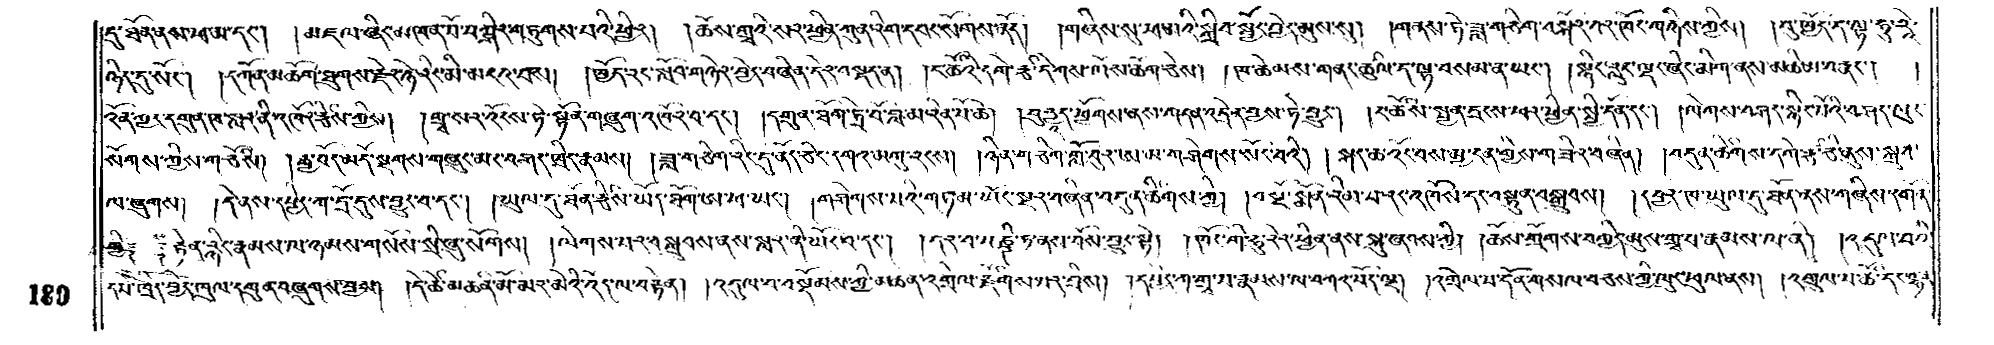དུ་ཐོན་ནས་ཕ་མ་དང་། །མཇལ་ཞིང་མཁན་པོ་བཀྴིར་གཏུགས་པའི་ཕྱིར། །ཆོས་གྲྭའི་སར་ཕྱིན་ཀུན་རིག་དབང་སོགས་ནོད། །གཞིས་སུ་ཕ་མའི་སྒྲིབ་སྦྱོང་བྱེད་མུས་སུ། །གནས་ཏེ་ཟླ་གཅིག་བསྐོར་བར་ཁོང་གཉིས་ཀྱིས། །བུ་ཁྱོད་ད་ལྟ་ཧུ་རE་
ཉིད་དུ་སོང་། །དཀོན་མཆོག་ཐུགས་རྗེར་ཉེ་རིང་མི་མངའ་བས། །ཁྱོད་རང་སློབ་གཉེར་བྱེད་བཞིན་དེར་བསྡད་ན། །ང་ཚོའི་དགེ་རྩི་དེ་ཀས་ལོས་ཆོག་ཅེས། །ཁ་ཆེམས་གནང་ཚུལ་ད་ལྟ་བསམ་ན་ཡང་། །སྙིང་རླུང་ལྡང་ཞིང་མིག་ནས་མཆིམ་བརྣང་། །
འོན་ཀྱང་དགུན་ཁ་སླར་ནི་འཁོར་རྩིས་ཀྱིས། །གྲྭ་སར་འོངས་ཏེ་སྟོན་གཞུག་འཁོར་བ་དང་། །དགུན་ཐོག་ཏྲེ་བོ་བླ་མ་རིན་པོ་ཆེ། །བུརྱཱད་ཕྱོགས་ནས་གདན་འདྲེན་བྱས་ཏེ་བྱུང་། །ང་ཚོས་སྤྱན་དྲངས་ཕར་ཕྱིན་སྤྱི་དོན་དང་། །ལེགས་བཤད་སྙིང་པོའི་བཤད་ལུང་
སོགས་ཀྱིས་གཙོས། །རྒྱ་བོད་མདོ་སྔགས་གཞུང་མང་བཤད་ཁྲིད་རྣམས། །ཟླ་གཅིག་རིང་དུ་ནོད་ཅིང་དགའ་མགུ་རངས། །ཉིན་གཅིག་གློ་བུར་ཨ་མ་གཤེགས་སོང་བའི། །སྐད་ཆ་འོང་བས་མྱ་ངན་གྱིས་གཟིར་བཞིན། །བདུན་ཚིགས་དགེ་རྩ་ཅི་ནུས་སྒྲུབ་
ཁ་ཞུགས། །དེ་ནས་དཔྱིད་ཀ་དྲོ་དུས་བྱུང་བ་དང་། །ཡུལ་དུ་ཐོན་རྩིས་ཡོད་ཐོག་ཨ་ཕ་ཡང་། །གཤེགས་པའི་གཏམ་ཡོང་སྔར་བཞིན་བདུན་ཚིགས་ཀྱི། །བསྔོ་སྨོན་རིམ་པ་རང་འཁོས་དང་བསྟུན་བསྒྲུབས། །དབྱར་ཁ་ཡུལ་དུ་ཐོན་ནས་གཞིས་དགོན་
གྱི༑ ༑རྟེན་རྙིང་རྣམས་ལ་ཉམས་གསོས་སྲི་ཞུ་སོགས། །ལེགས་པར་བསྒྲུབས་ནས་སླར་ནི་ཡོང་བ་དང་། །དར་བ་པཎྜི་ཏ་ནས་བོས་བྱུང་སྟེ། །ཁོང་གི་ཧུ་རེར་ཕྱིན་ནས་སྐུ་ཞབས་ཀྱི། །ཆོས་གྲོགས་བགྱིད་མུས་གྲྭ་པ་རྣམས་ལ་ནི། །འདུལ་བའི་
དཔེ་ཁྲིད་བྱེད་ཁུལ་དགུན་བཞུགས་བྱས། །དེ་ཚེ་མཆ་ནི་མོ་མར་མེའི་འོད་ལ་བརྟེན། །འདུལ་བ་བསྡོམས་ཀྱི་མཆན་འགྲེལ་རྫོགས་པར་བྲིས། །དཔྱིད་ཀ་གྲྭ་པ་རྣམས་ལ་བཀའ་པོད་ལྔ། །འགྲེལ་པ་དོན་གསལ་བཅས་ཀྱི་ལུང་ཕུལ་ནས། །འགྲུལ་པ་ཚོ་དང་ལྷན་